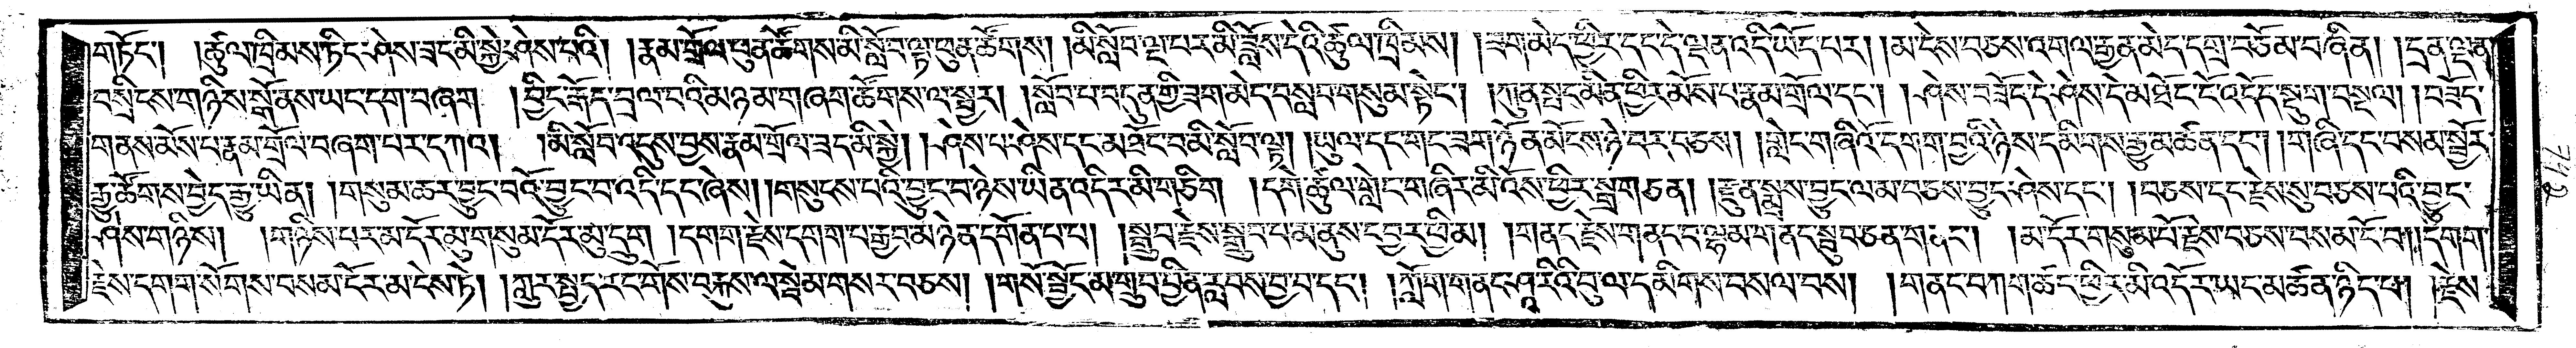གཏོང་། །ཚུལ་ཁྲིམས་ཏིང་ཤེས་ཟང་མི་སྐྱེ་ཤེས་པའི། །རྣམ་གྲོལ་ཕུན་ཚོགས་མི་སློབ་ལྟ་ཕུན་ཚོགས། །མི་སློབ་ལྔ་པར་མི་ཟློས་དེའི་ཚུལ་ཁྲིམས། །ཟག་མེད་ཕྱིར་དང་དེ་ལྡན་འདི་ཡོད་པར། །མ་ངེས་བཅས་འགལ་རྒྱན་མེད་དགྲ་བཅོམ་བཞིན། །དྲན་ལྡན་
བསྲིངས་གཉིས་སྒོ་ནས་ཡང་དག་བཞག །བྱིང་རྒོད་བྲལ་བའི་མཉམ་གཞག་ཚོགས་ལ་སྦྱར། །སློབ་པ་བདུན་གྱི་ཟག་མེད་བསླབ་གསུམ་སྟེང་། །ཀུན་སྤང་མིན་ཕྱིར་མོས་པ་རྣམ་གྲོལ་དང་། །ཤེས་བཟོད་དེ་ཤེས་དེ་མཐོང་ངོ་འདོད་སྡུག་བསྔལ། །བཟོད་
གནས་མོས་པ་རྣམ་གྲོལ་བཞག་པར་དཀའ། །མི་སློབ་འདུས་བྱས་རྣམ་གྲོལ་ཟད་མི་སྐྱེ། །ཤེས་པ་ཤེས་དང་མཐོང་བ་མི་སློབ་ལྟ། །ཡུལ་དང་གང་ཟག་ཉོན་མོངས་ཉེ་བར་བཅས། །གླེང་གཞིའོ་དགག་བྱའི་ཉེས་དམིགས་རྒྱུ་མཚན་དང་། །གཞི་དང་བསམ་སྦྱོར་
རྒྱུ་ཚོགས་བྱེད་རྒྱུ་ཡིན། །གསུམ་ཆར་བྱུང་བའོ་བྱུང་བ་འདི་དང་ཞེས། །གསུངས་པའི་བྱུང་བ་ཉེས་ཡིན་འདིར་མི་གཅིག །དགེ་ཚུལ་གླེང་གཞིར་མི་འོས་ཕྱིར་སྒྲ་གཅན། །རྫུན་སྨྲས་བྱུང་ལམ་བཅས་བྱུང་ཤེས་དང་། །བཅས་དང་རྗེས་སུ་བཅས་བའི་བྱུང་
ཤེས་གཉིས། །གཉིས་པར་མདོར་མུ་གསུམ་དོར་མུ་དྲུག །དགག་རྗེས་དགག་པ་རྒྱབ་མཉེན་དགོན་པ་པ། །སྒྲུབ་རྗེས་སྒྲུབ་པ་མ་ནུས་དབྱར་ཕྱི་མ། །གནང་རྗེས་གནང་བ་ལྷམ་གནང་སྦུབ་ཅན་གནང་། །མདོར་གསུམ་པོ་རྗེས་བཅས་བསམ་ངོ་བ། །དགག་
རྗེས་དགག་སོགས་བསམ་ངོར་མ་དེས་ཏེ། །ཀླུར་སྤྱད་རང་གོས་བརྐུས་ལ་སྔོམ་གསར་བཅས། །གསོ་སྦྱོང་མ་གྲུབ་བྱིན་རླབས་བྱ་བ་དང་། །ཀློག་གནང་ཤཱ་རིའི་བུ་ལ་དམིགས་བསལ་བས། །གནང་བཀག་ཚང་ཕྱིར་མི་འདོར་ཡང་མཚན་ཉིད་པ། །རྗེས་